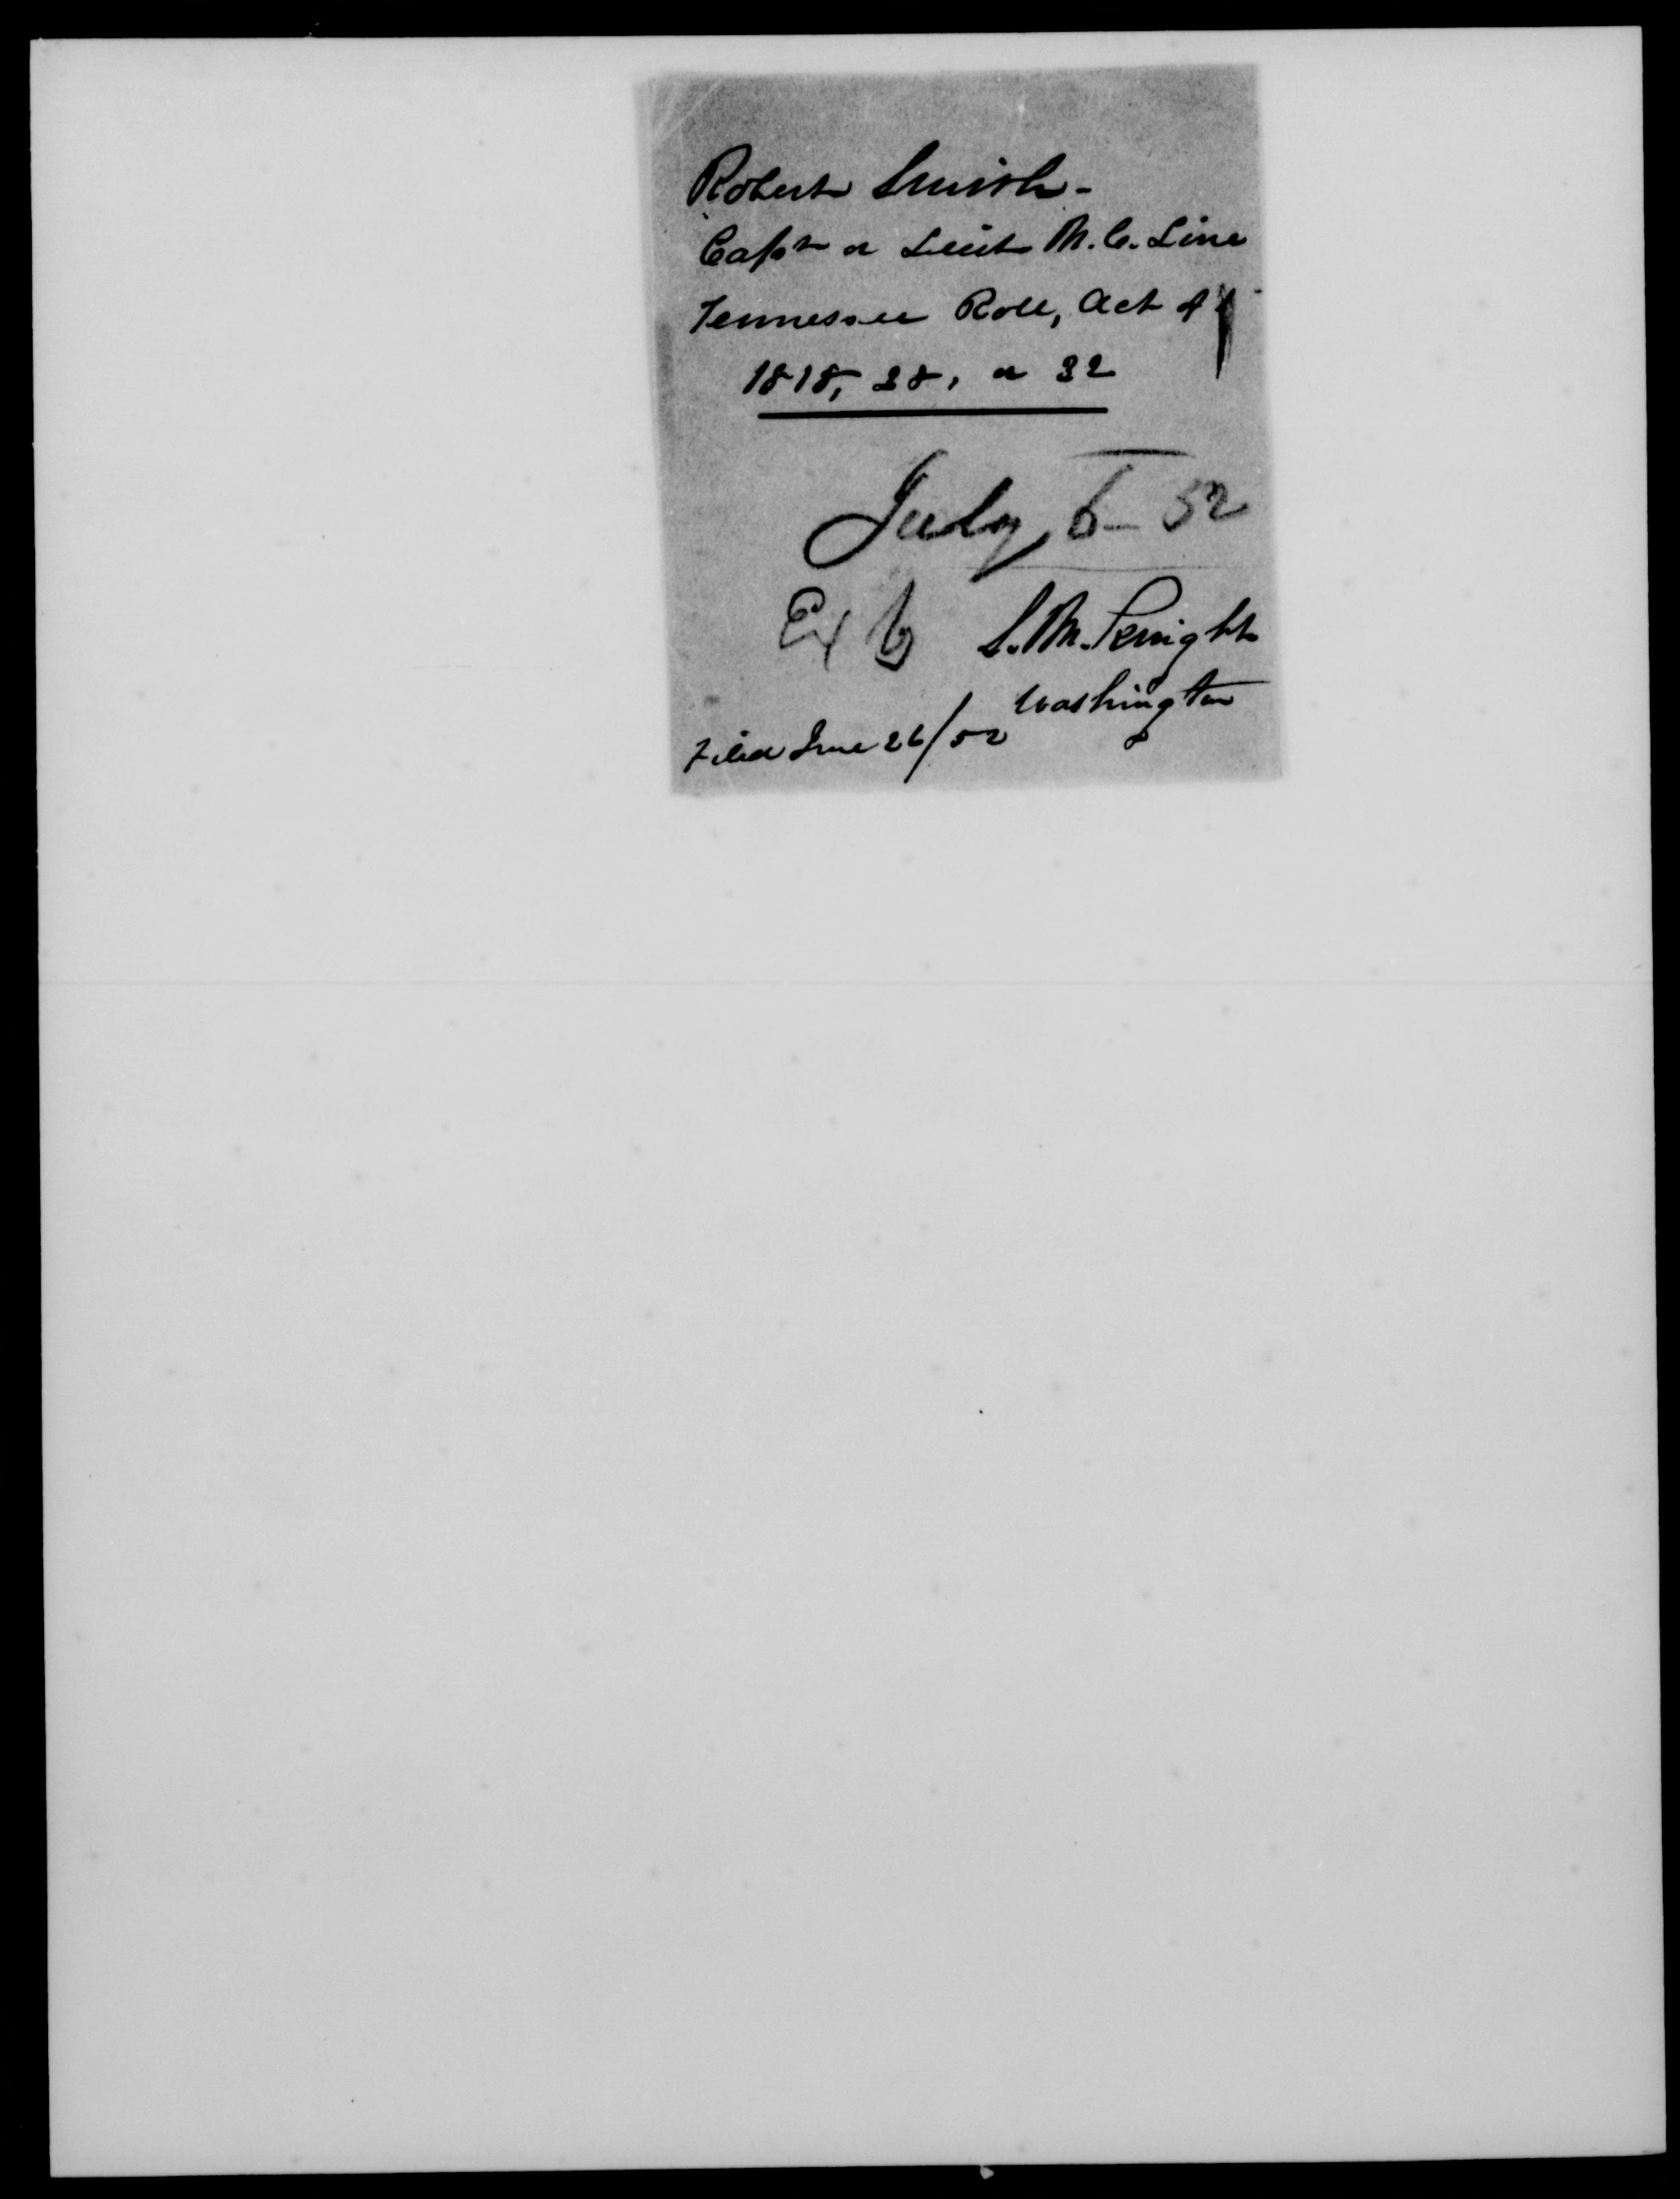Robert Smith -
Capt or Lieut N.C. Line
Tennessee Roll, Act of
1818, 28, or 32

July 6 32
Ex by S M Knight
Washington
filed June 26 / 52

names: S M Knight; Robert Smith; N C Line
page: 75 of 79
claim: widow's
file: W. 1504, for Robert Smith, North Carolina